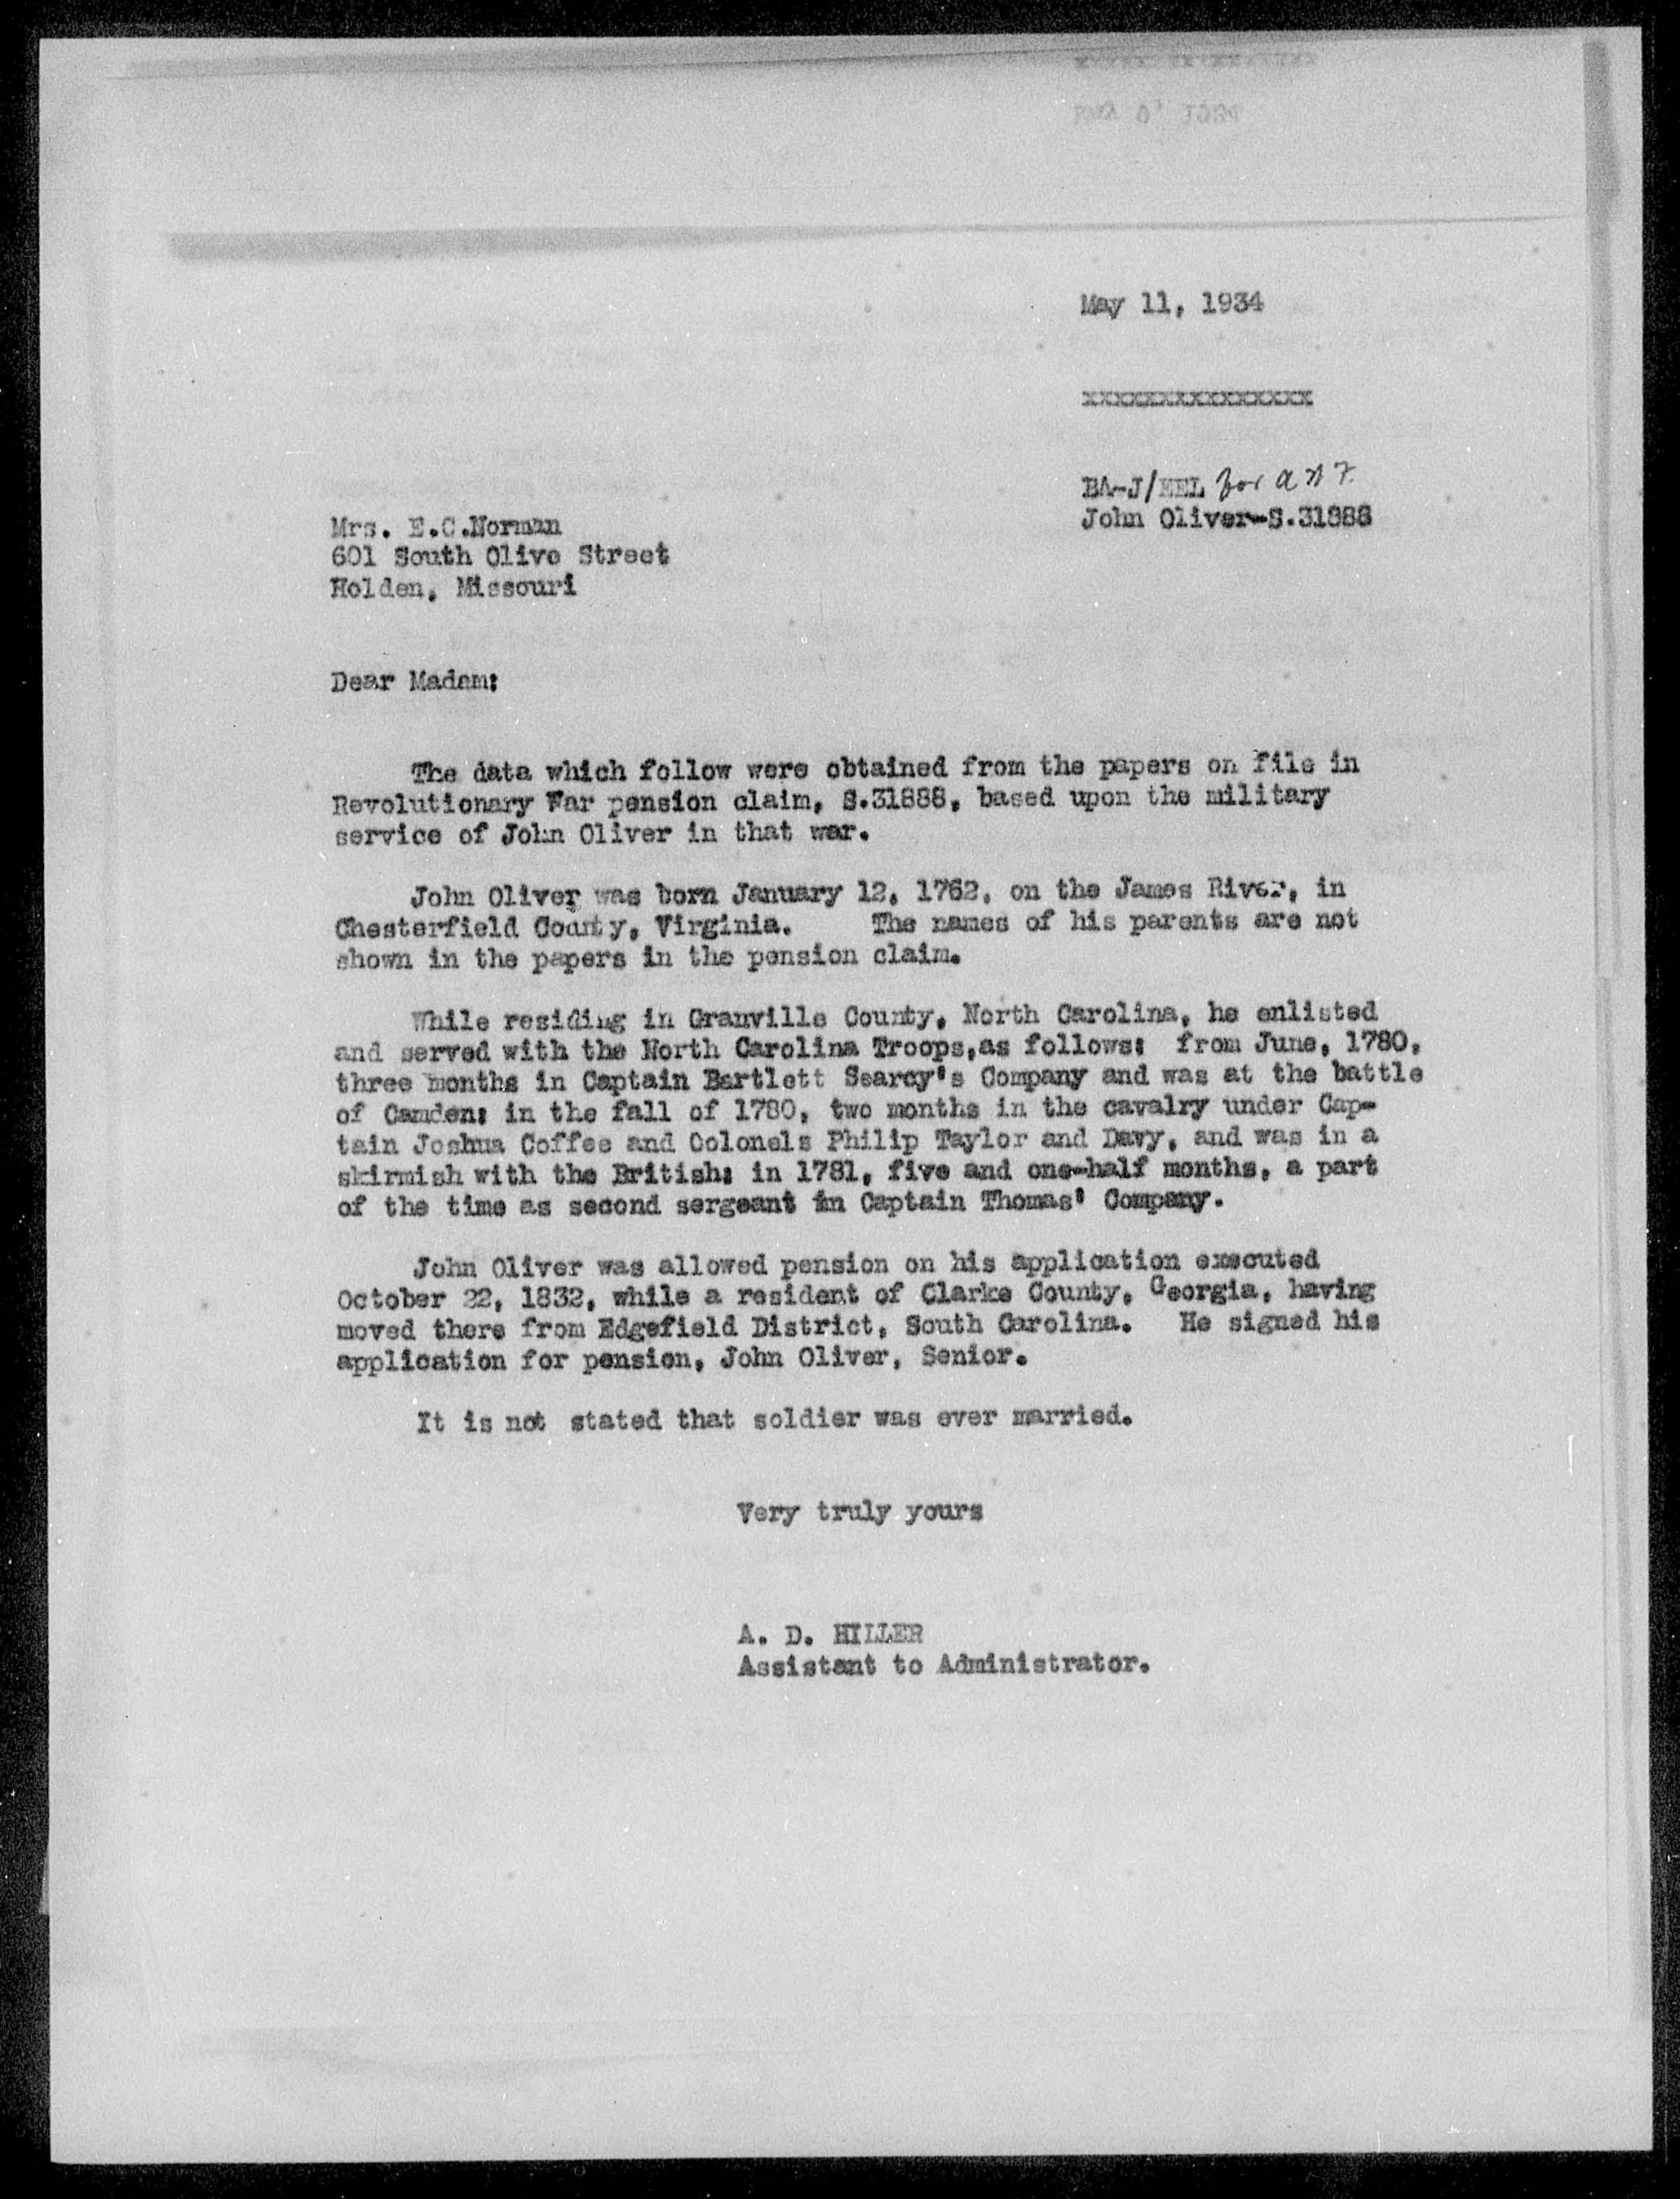May 11, 1934
                   xxxxxxxxxxx

                             BA-J/EEL for AWF
                             John Oliver - S.31888

Mrs. E.C. Norman
601 South Oliver Street
Holden, Missouri

Dear Madam:
     The data which follow were obtained from the papers on file in Revolutionary War pension claim, S.31888, based upon the military service of John Oliver in that war.
     John Oliver was born January 12, 1762, on the James River, in Chesterfield County, Virginia.  The names of his parents are not shown in the papers in the pension claim.
     While residing in Granville County, North Carolina, he enlisted and served with the North Carolina Troops, as follows:  from June, 1780, three months in Captain Bartlett Searcy's Company and was at the battle of Camden;  in the fall of 1780, two months in the cavalry under Captain Joshua coffee and Colonels Philip Taylor and Davy, and was in a skirmish with the British;  in 1781, five and one-half months, a part of the time as second sergeant in Captain Thomas' Company.
     John Oliver was allowed pension on his application executed October 22, 1832, while a resident of Clarke County, Georgia, having moved there from Edgefield District, South Carolina.  He signed his application for Pension, John Oliver, Senior.
     it is not stated that soldier was ever married.
                      Very truly yours

                       A.D. HILLER
                       Assistant to Administrator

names: E C Norman; Philip Taylor; A D Hiller; Joshua Coffee; John Oliver; Philip Davy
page: 29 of 32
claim: survivor's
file: S. 31888, for John Oliver, North Carolina